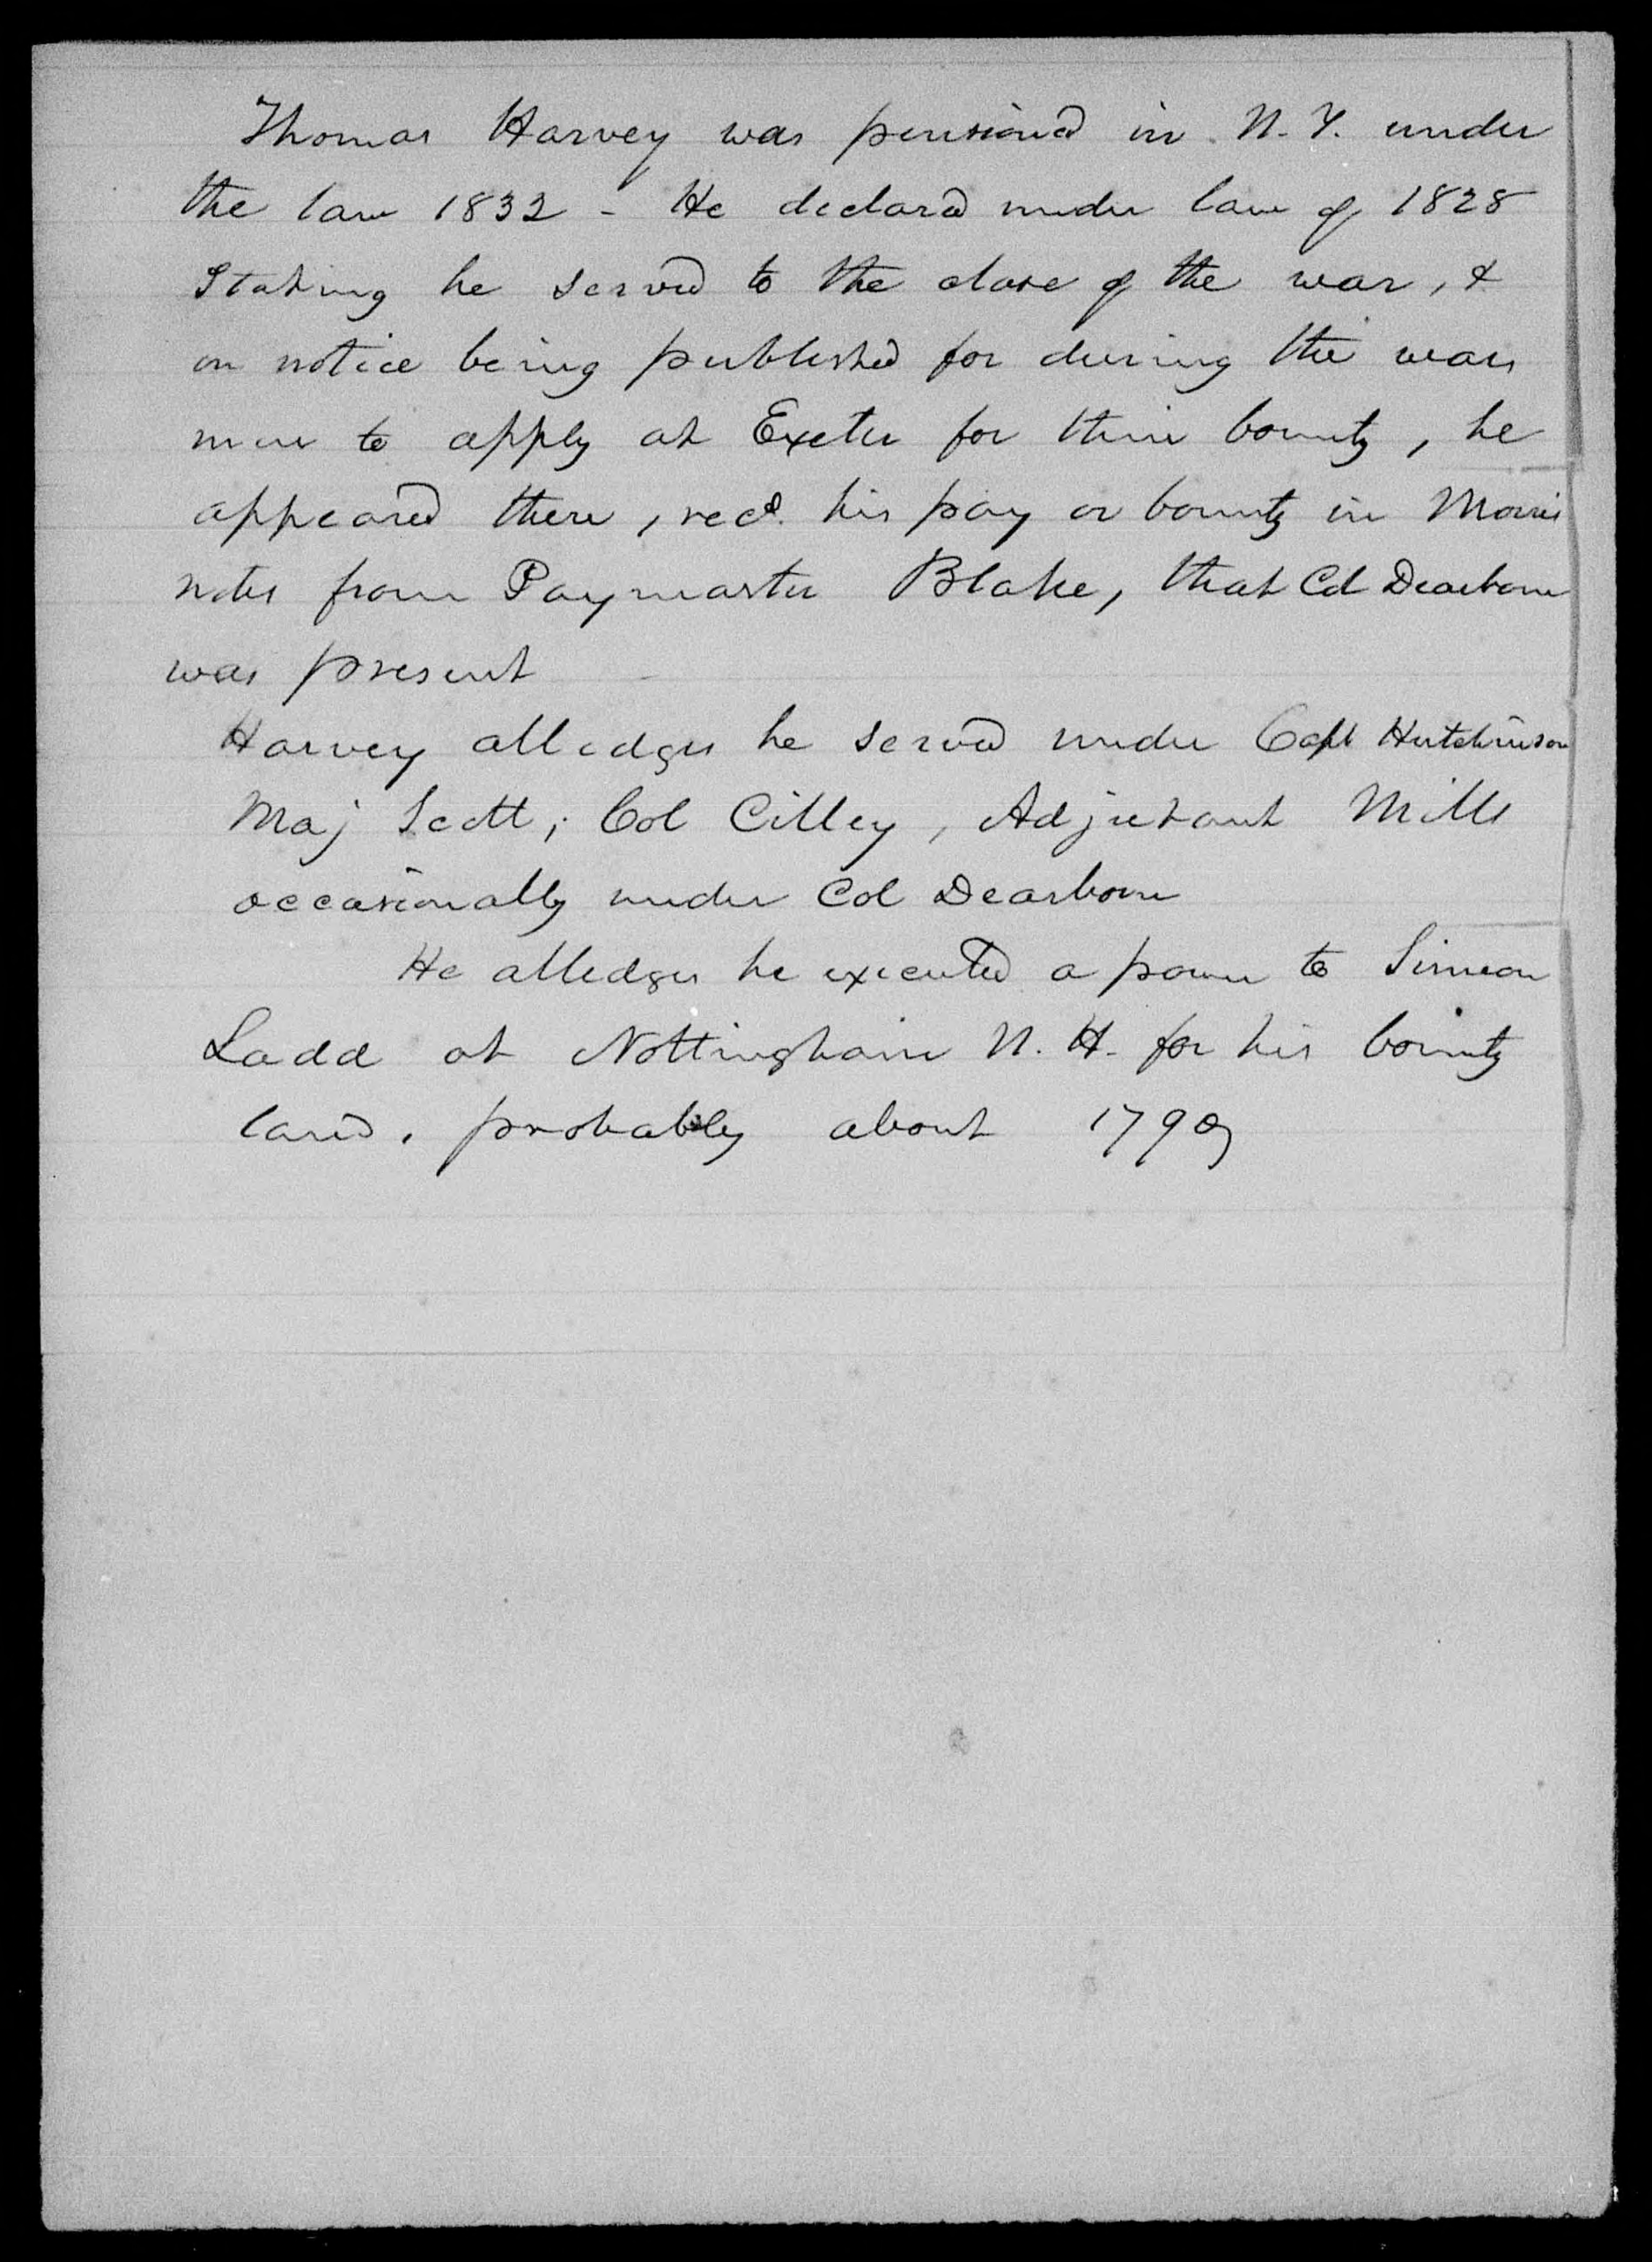Thomas Harvey was pensioned in N.Y. under the law 1832. He declared under law of 1828 stating he served to the close of the war, & on notice being published for during the war, men to apply at Exeter for their bounty, he appeared there, rec'd his pay or bounty in Morris notes from Paymaster Blake, that Col. Dearborn was present.
Harvey alledges he served under Capt. Hutchinson Maj. Scott; Col. Cilley, Adjutant Mills occasionally under Col Dearborn
He alledges he executed a power to Simeon Ladd at Nottingham N.H. for his bounty land, probably about 1790.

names: Dearborn, Thomas Harvey, Harvey, Cilley, Simeon Ladd, Hutchinson, Mills, Blake, Scott, Dearborn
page: 7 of 80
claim: survivor's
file: S. 18008, Thomas Harvey, N.H.